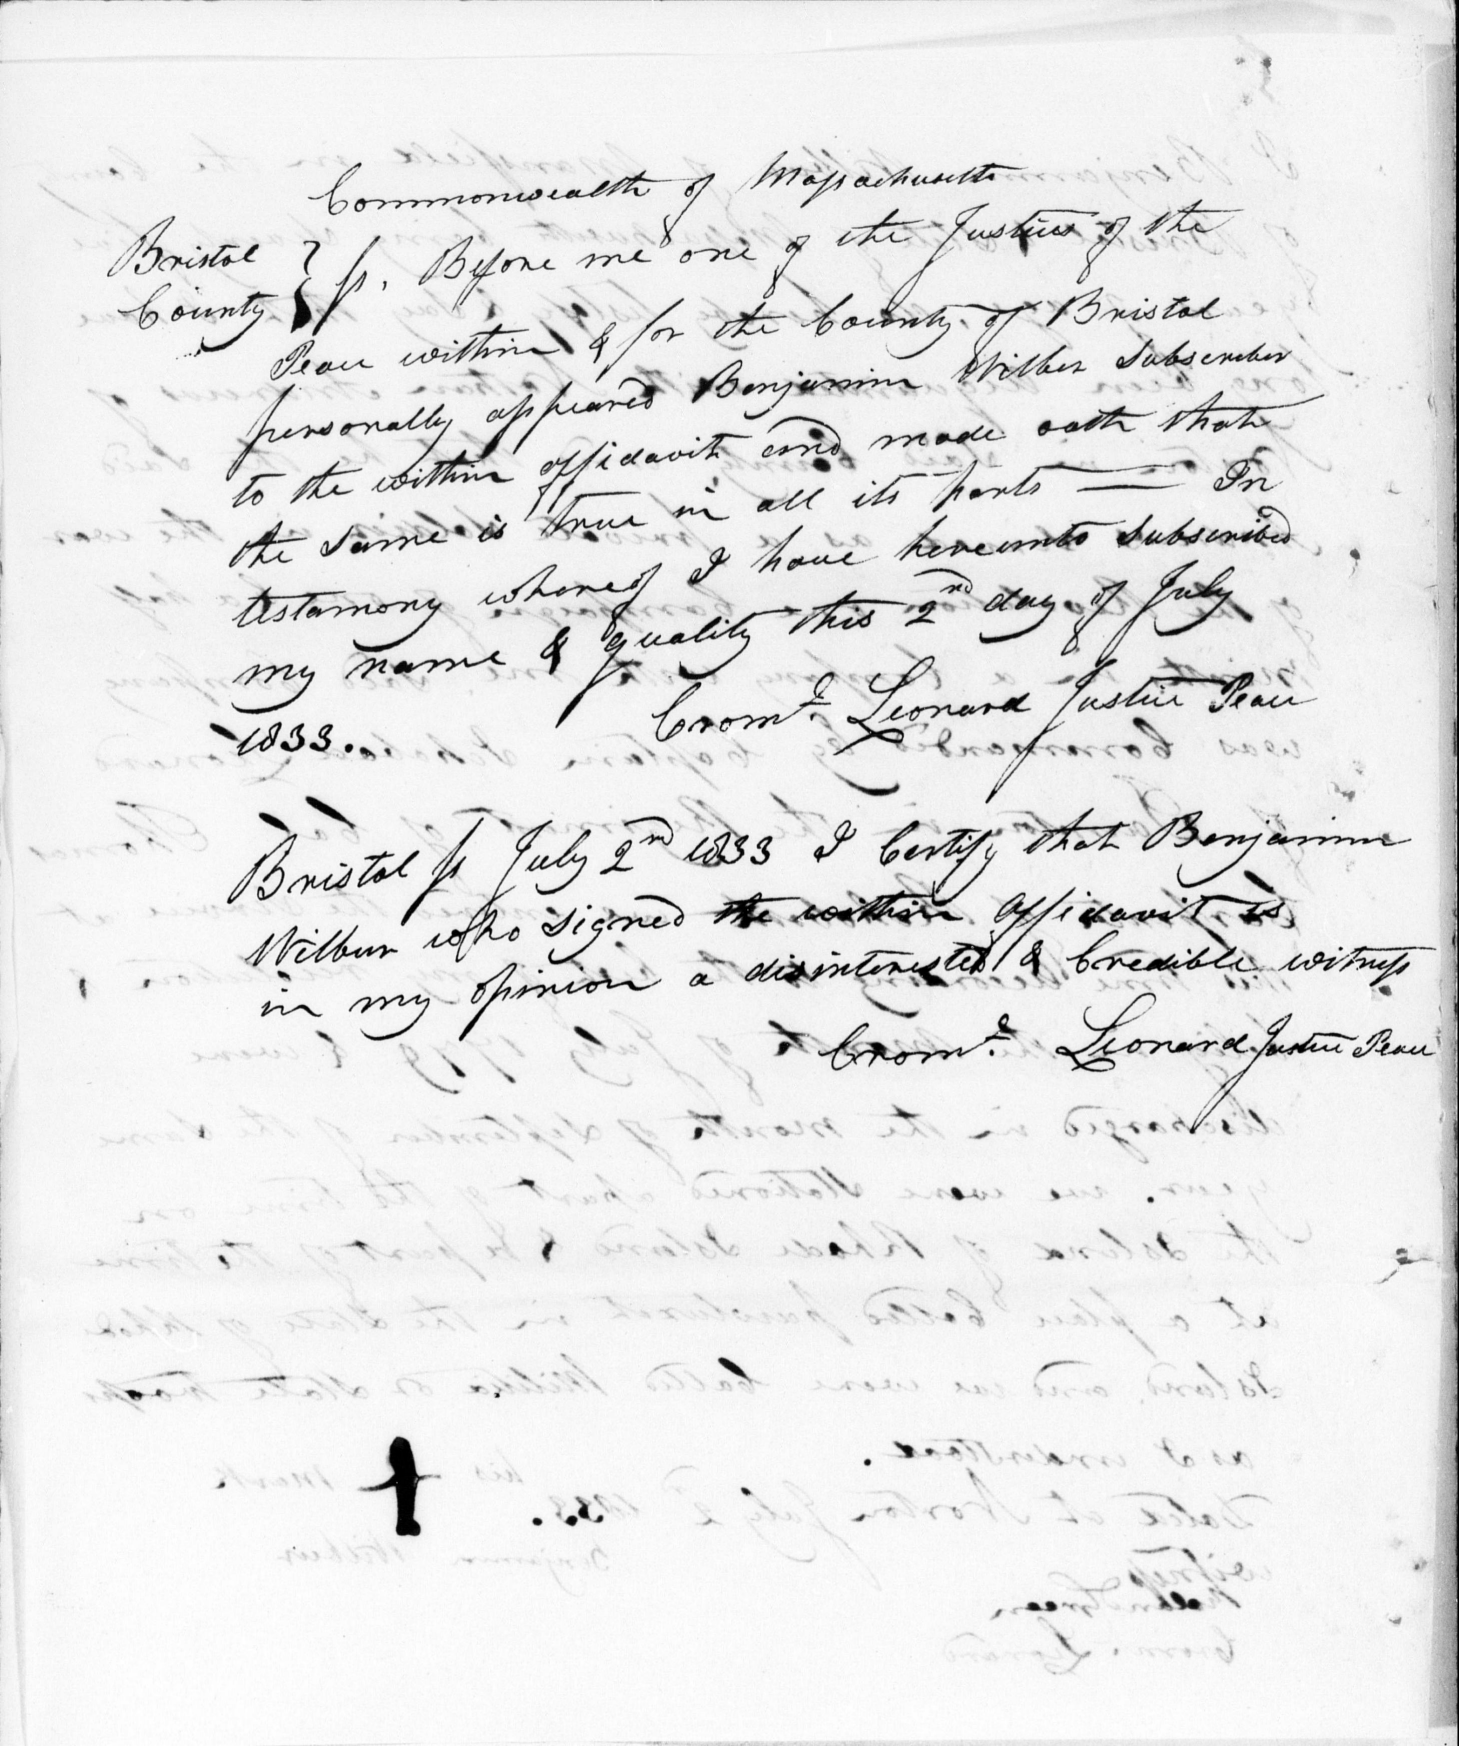Commonwealth of Massachusetts Bristol County SS. Before me one of the Justices of the peace within and for the County of Bristol personally appeared Benjamin Wilbur subscriber to the within affidavit and made oath that the same is true in all its parts. In testimony whereof I have hereunto subscribed my name & quality this 2nd day of July 1833. Croml Leonard Justice Peace
Bristol SS July 2nd 1833 I certify that Benjamin Wilbur who signed the within affidavit is in my opinion a disinterested & credible witness. Croml Leonard Justice Peace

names: Benjamin Wilber, Bristol, Benjamin Wilbur, Croml Leonard, Croml Leonard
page: 16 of 18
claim: survivor's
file: S. 29,590, Nathan Andrews, Mass R.I.